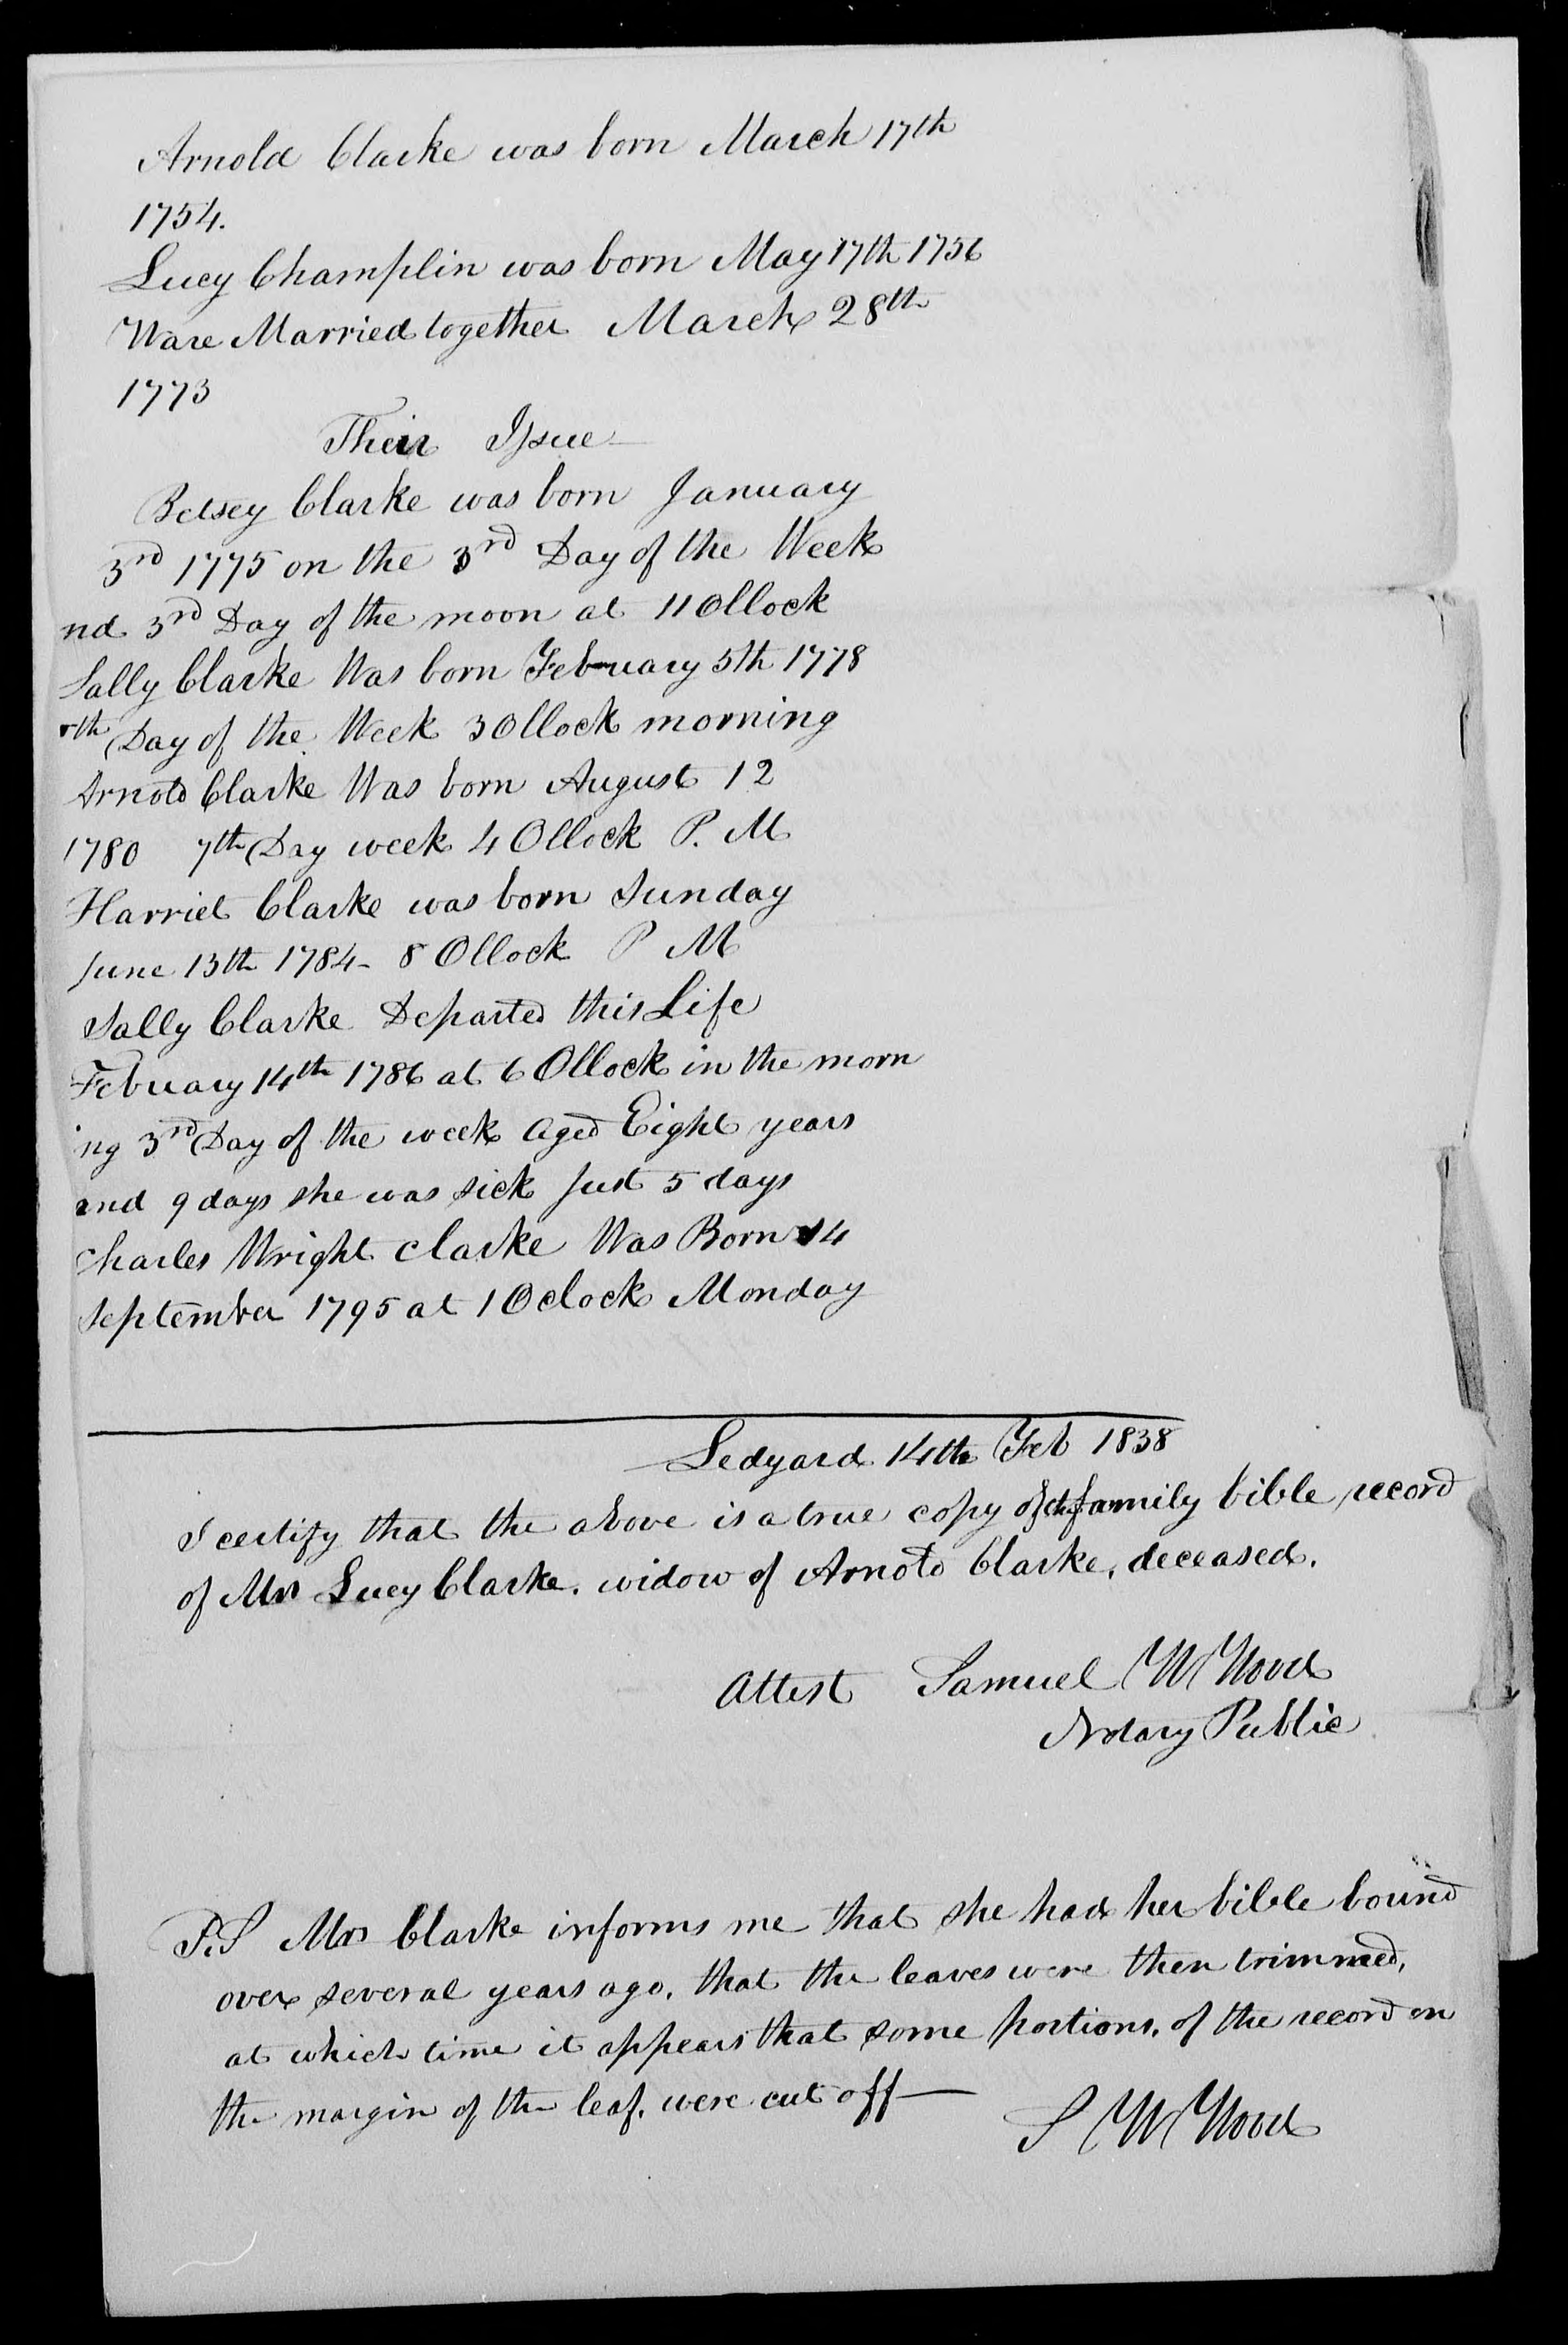Arnold Clarke was born March 17th 1754
Lucy Champlin was born May 17th 1756
Ware married together March 28th 1773
Their Issue
Betsey Clarke was born January 3rd 1775 on the 3rd day of the week and 3rd day of the moon at 11 oClock
Sally Clarke was born February 5th 1778 [illegible] day of the week 3 oClock morning
Arnold Clarke was born August 12 1780 7th day week 4 oClock P.M.
Harriet Clarke was born Sunday June 13th 1784 8 oClock PM
Sally Clarke departed this life February 14th 1786 at 6 oClock in the morning 3rd day of the week aged eight years and 9 days she was sick just 5 days
Charles Wright Clarke was born 4 September 1795 at 1 oClock Monday

Ledyard 14th Feb 1838
I certify that the above is a true copy of the family bible record of Mrs. Lucy Clarke, widow of Arnold Clarke, deceased.
Attest Samuel W Wood, Notary Public

P.S. Mrs. Clarke informs me that she had her bible bound over several years ago. That the leaves were then trimmed, at which time it appears that some portions of the record on the margin of the leaf, were cut off.
SW Wood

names: Betsey Clarke, Lucy Champlin, Sally Clarke, Arnold Clarke, Harriet Clarke, Samuel W Wood, Charles Wright Clarke, Sally Clarke, Clarke, Arnold Clarke, S W Wood, Lucy Clarke, Arnold Clarke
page: 29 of 48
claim: widow's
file: W. 17,628, Arnold Clarke, R.I.